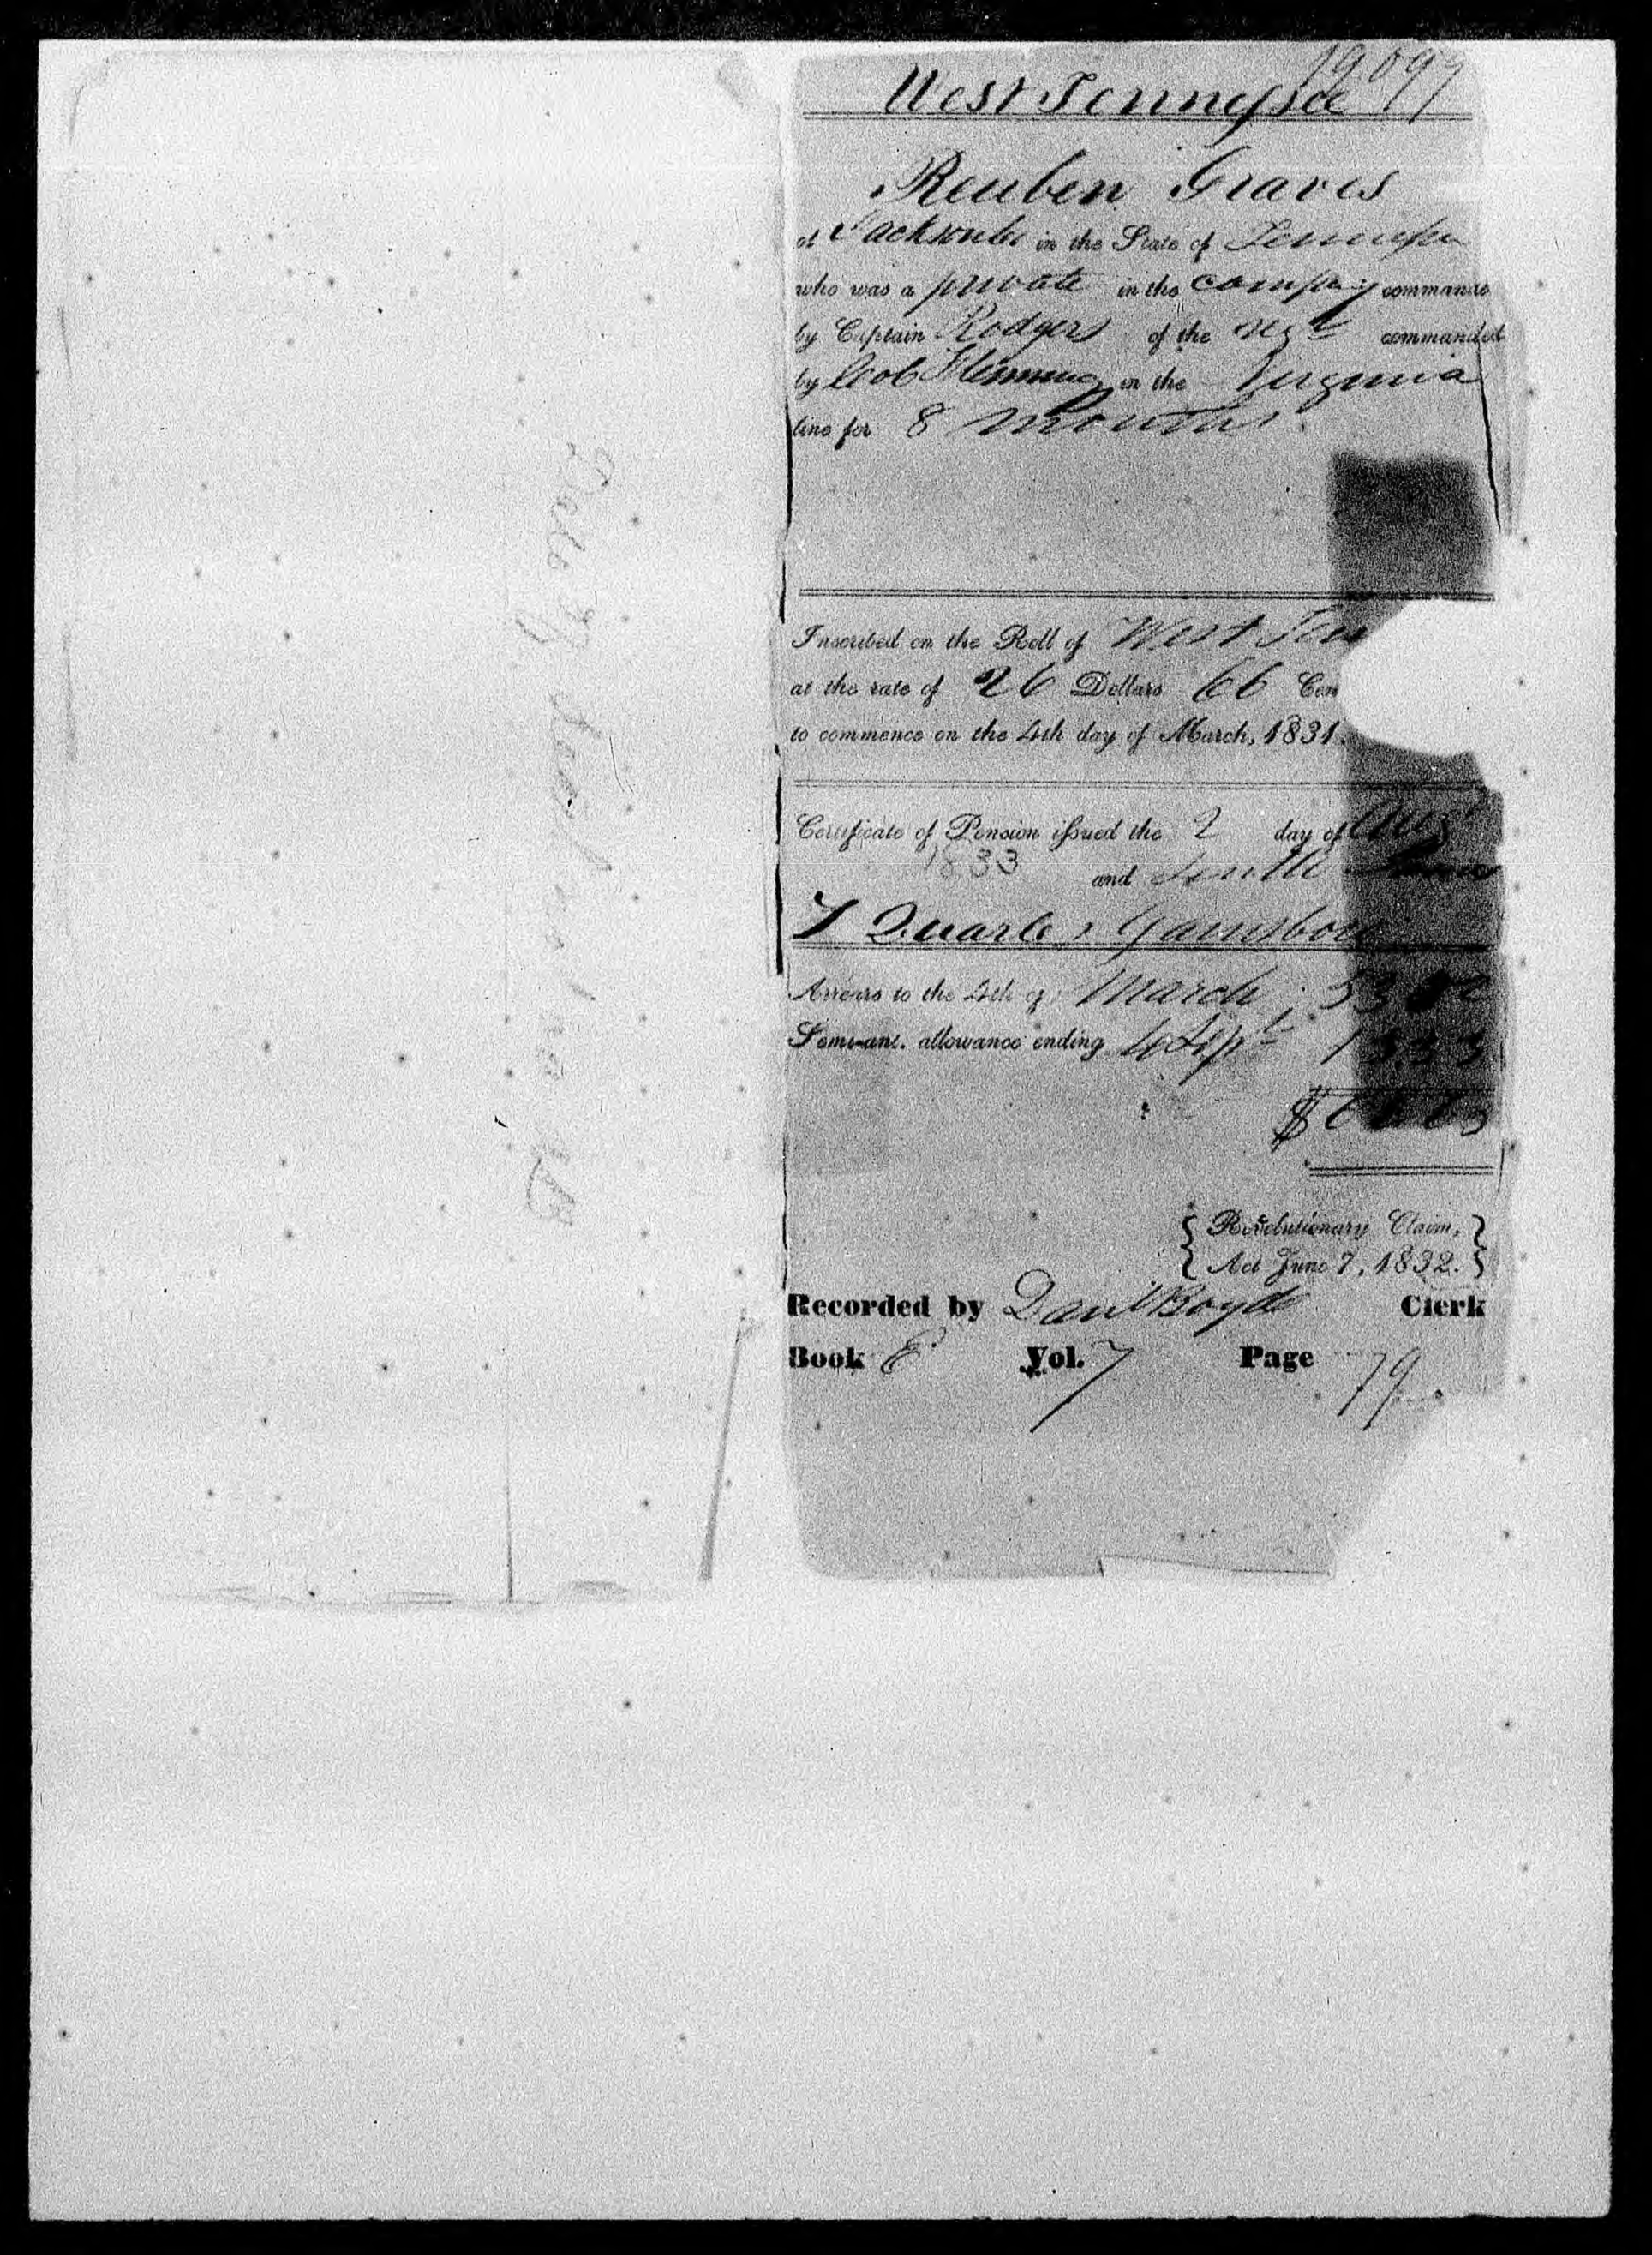19099

West Tennessee


Reuben Graves
at Jacksonville in the State of Tennessee
who was a private in the company commanded
by Capt. Rodgers of the regt. commanded
by Col. Flemming in the Virginia
line for 8 months

Inscribed on the Roll of West Tennessee
at the rate of 26 Dollars 66 Cents per 
to commence on the 4th day of March 1831


Certificate of Pension issued the 2nd day of August 1833 and sent to 
James T. Qualres, Jamesboro

Arrears to the 4th of March 55.00
Semi-anl. allowance ending 4 Sept. 15.53

$65.53

{Revolutionary Claim,}
{Act June 7, 1832}

Recorded by Daniel Boyd  Clerk

Book E Vol. 7  Page 79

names: Reuben Graves, Danl Boyd, James T Quarles, Flenning, Rodgers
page: 2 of 22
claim: survivor's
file: S. 3408, Reuben Graves, Va.